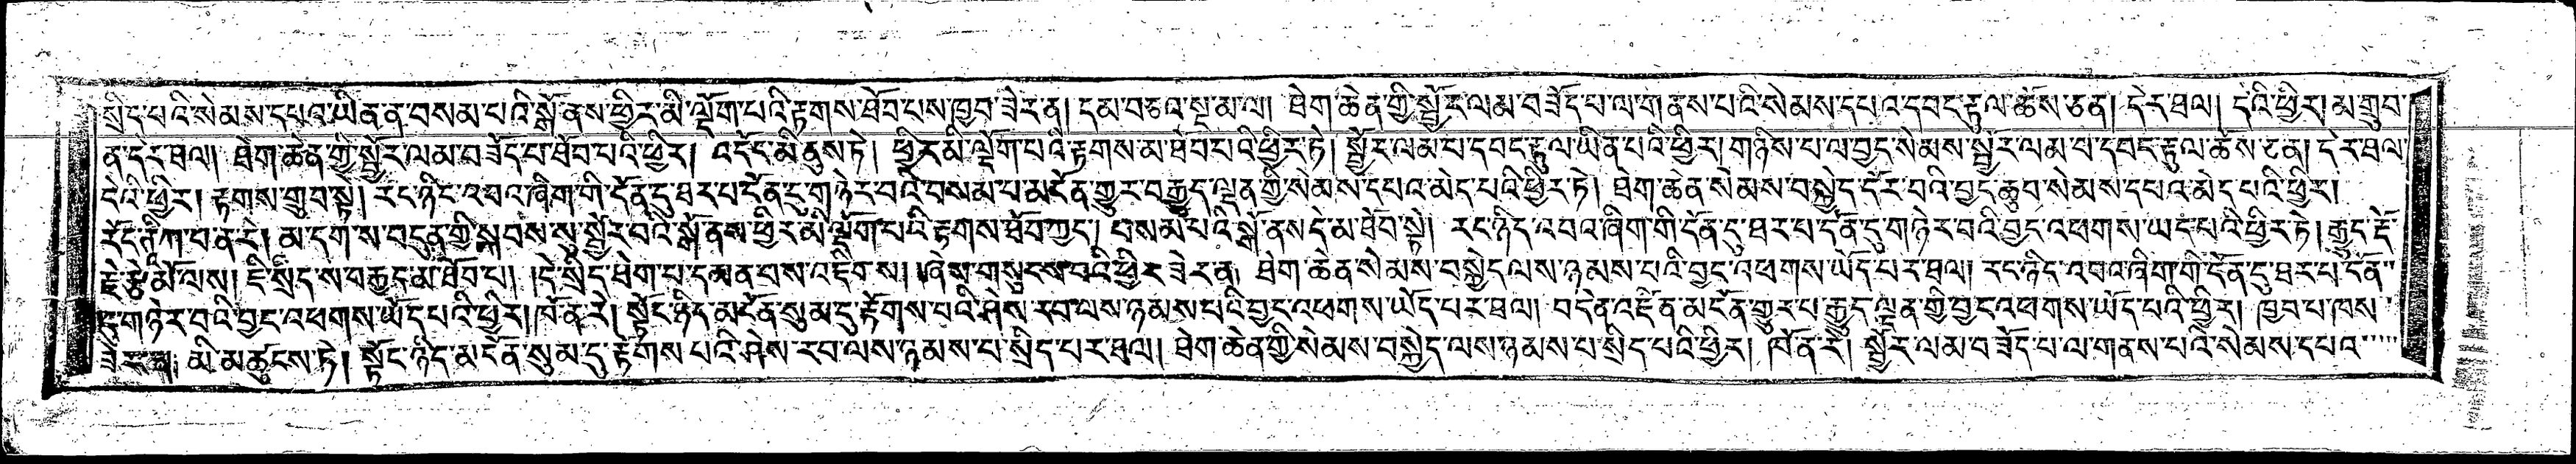སྲིད་པའི་སེམས་དཔའ་ཡིན་ན་བསམ་པའི་སྒོ་ནས་ཕྱིར་མི་ལྡོག་པའི་རྟགས་ཐོབ་པས་ཁྱབ་ཟེར་ན། དམ་བཅའ་སྔ་མ་ལ། ཐེག་ཆེན་གྱི་སྦྱོར་ལམ་བཟོད་པ་ལ་གནས་པའི་སེམས་དཔའ་དབང་རྟུལ་ཆོས་ཅན། དེ་ཐལ། དེའི་ཕྱིར། མ་གྲུབ་
ན་དེར་ཐལ། ཐེག་ཆེན་གྱི་སྦྱོར་ལམ་བཟོད་པ་ཐོབ་པའི་ཕྱིར། འདོད་མི་ནུས་ཏེ། ཕྱིར་མི་ལྡོག་པའི་རྟགས་མ་ཐོབ་པའི་ཕྱིར་ཏེ། སྦྱོར་ལམ་པ་དབང་རྟུལ་ཡིན་པའི་ཕྱིར། གཉིས་པ་ལ་བྱང་སེམས་སྦྱོར་ལམ་པ་དབང་རྟུལ་ཆོས་ཅན། དེར་ཐལ་
དེའི་ཕྱིར། རྟགས་གྲུབ་སྟེ། རང་ཉིད་འབའ་ཞིག་གི་དོན་དུ་ཐར་པ་དོན་དུ་གཉེར་བའི་བསམ་པ་མངོན་གྱུར་བ་རྒྱུད་ལྡན་གྱི་སེམས་དཔའ་མེད་པའི་ཕྱིར་ཏེ། ཐེག་ཆེན་སེམས་བསྐྱེད་དོར་པའི་བྱང་ཆུབ་སེམས་དཔའ་མེད་པའི་ཕྱིར།
རོད་ཊཱིཀ་པ་ན་རེ། མ་དག་ས་བདུན་གྱི་སྐབས་སུ་སྦྱོར་བའི་སྒོ་ནས་ཕྱིར་མི་ལྡོག་པའི་རྟགས་ཐོབ་ཀྱང་། བསམ་པའི་སྒོ་ནས་དེ་མ་ཐོབ་སྟེ། རང་ཉིད་འབའ་ཞིག་གི་དོན་དུ་ཐར་པ་དོན་དུ་གཉེར་བའི་བྱང་འཕགས་ཡོད་པའི་ཕྱིར་ཏེ། རྒྱུད་རྡོ་
རྗེ་རྩེ་མོ་ལས། ཇི་སྲིད་ས་བརྒྱད་མ་ཐོབ་པ། །དེ་སྲིད་ཐེག་པ་དམན་པས་འཇིགས། །ཞེས་གསུངས་པའི་ཕྱིར་ཟེར་ན། ཐེག་ཆེན་སེམས་བསྐྱེད་ལས་ཉམས་པའི་བྱང་འཕགས་ཡོད་པར་ཐལ། རང་ཉིད་འབའ་ཞིག་གི་དོན་དུ་ཐར་པ་དོན་
དུ་གཉེར་བའི་བྱང་འཕགས་ཡོད་པའི་ཕྱིར། ཁོ་ན་རེ། སྟོང་ཉིད་མངོན་སུམ་དུ་རྟོགས་པའི་ཤེས་རབ་ལས་ཉམས་པའི་བྱང་འཕགས་ཡོད་པར་ཐལ། བདེན་འཛིན་མངོན་གྱུར་པ་རྒྱུད་ལྡན་གྱི་བྱང་འཕགས་ཡོད་པའི་ཕྱིར། ཁྱབ་པ་ཁས་
ཟེར་ན། མི་མཚུངས་ཏེ། སྟོང་ཉིད་མངོན་སུམ་དུ་རྟོགས་པའི་ཤེས་རབ་ལས་ཉམས་པ་སྲིད་པར་ཐལ། ཐེག་ཆེན་གྱི་སེམས་བསྐྱེད་ལས་ཉམས་པ་སྲིད་པའི་ཕྱིར། ཁོ་ན་རེ། སྦྱིར་ལམ་བཟོད་པ་ལ་གནས་པའི་སེམས་དཔའ་